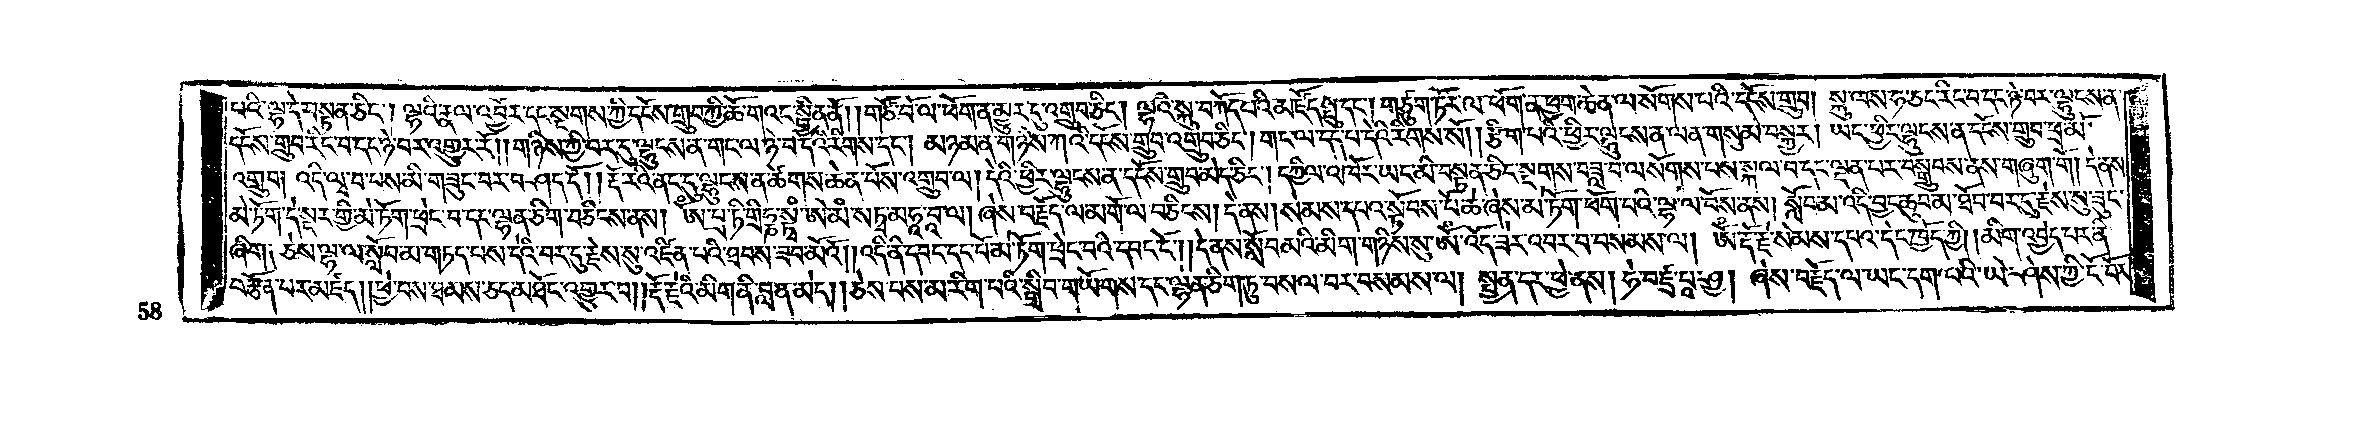པའི་ལྷ་དེ་བསྟན་ཅིང་། ལྷའི་རྣལ་འབྱོར་དང་སྔགས་ཀྱི་དངོས་གྲུབ་ཀྱི་ཆོ་གའང་སྦྱིན་ནོ། །གཙོ་བོ་ལ་ཕོག་ན་མྱུར་དུ་འགྲུབ་ཅིང་། ལྷའི་སྐུ་བཀོད་པའི་མཛོད་སྤུ་དང་། གཙུག་ཏོར་ལ་ཕོག་ན་ཕྱག་ཆེན་ལ་སོགས་པའི་དངོས་གྲུབ། སྐུ་ལས་ཧ་ཅང་རིང་བ་དང་ཉེ་བར་ལྷུངས་ན་
དངོས་གྲུབ་རིང་བ་དང་ཉེ་བར་འགྱུར་རོ། །གཉིས་ཀྱི་བར་དུ་ལྷུངས་ན་གང་ལ་ཉེ་བ་དེའི་རིགས་དང་། མཉམ་ན་གཉིས་ཀའི་དངོས་གྲུབ་འགྲུབ་ཅིང་། གང་ལ་དད་པ་དེའི་རིགས་སོ། །རྩིག་པའི་ཕྱིར་ལྷུངས་ན་ལན་གསུམ་བསྐྱར། ཡང་ཕྱིར་ལྷུངས་ན་དངོས་གྲུབ་ཕྲ་མོ་
འགྲུབ། འདི་ལྭ་བ་པས་མི་གཟུང་བར་བཤད་དོ། །རྡོ་རའི་ནང་དུ་ལྷུངས་ན་ཚེགས་ཆེན་པོས་འགྲུབ་ལ། དེའི་ཕྱིར་ལྷུངས་ན་དངོས་གྲུབ་མེད་ཅིང་། དཀྱིལ་འཁོར་ཡང་མི་བསྟན་ཅིང་སྔགས་བཟླ་བ་ལ་སོགས་པས་སྐལ་བ་དང་ལྡན་པར་བསྒྲུབས་ནས་གཞུག་གོ། དེ་ནས་
མེ་ཏོག་དེ་སྔར་གྱི་མེ་ཏོག་ཕྲེང་བ་དང་ལྷན་ཅིག་བཅིངས་ནས། ཨོཾ་པྲ་ཏི་གྲིཧྞ་སྟྭཾ་ཨེ་མཾ་སཏྭ་མ་ཧཱ་བཱ་ལ། ཞེས་བརྗོད་ལ་མགོ་ལ་བཅིངས། དེ་ནས། སེམས་དཔའ་སྟོབས་པོ་ཆེ་ཞེས་མེ་ཏོག་ཕོག་པའི་ལྷ་ལ་བོས་ནས། སློབ་མ་འདི་བྱང་ཆུབ་མ་ཐོབ་པར་དུ་རྗེས་སུ་ཟུང་
ཞིག །ཅེས་ལྷ་ལ་སློབ་མ་གཏད་པས་དེའི་བར་དུ་རྗེས་སུ་འཛིན་པའི་ཐབས་ཟབ་མོའོ། །འདི་ནི་དབང་དང་པོ་མེ་ཏོག་ཕྲེང་བའི་དབང་ངོ། །དེ་ནས་སློབ་མའི་མིག་གཉིས་སུ་ཨོཾ་འོད་ཟེར་འབར་བ་བསམས་ལ། ཨོཾ་རྡོ་རྗེ་སེམས་དཔའ་དེང་ཁྱོད་ཀྱི། །མིག་འབྱེད་པར་ནི་
བརྩོན་པར་མཛད། །ཕྱེ་བས་ཐམས་ཅད་མཐོང་འགྱུར་བ། །རྡོ་རྗེའི་མིག་ནི་བླ་ན་མེད། །ཅེས་པས་མ་རིག་པའི་སྒྲིབ་གཡོགས་དང་ལྷན་ཅིག་ཏུ་བསལ་བར་བསམས་ལ། སྤྱན་དར་ཕྱེ་ནས། ཧེ་བྫྲ་པཱ་ཤྱ། ཞེས་བརྗོད་ལ་ཡང་དག་པའི་ཡེ་ཤེས་ཀྱི་ངོ་བོར་